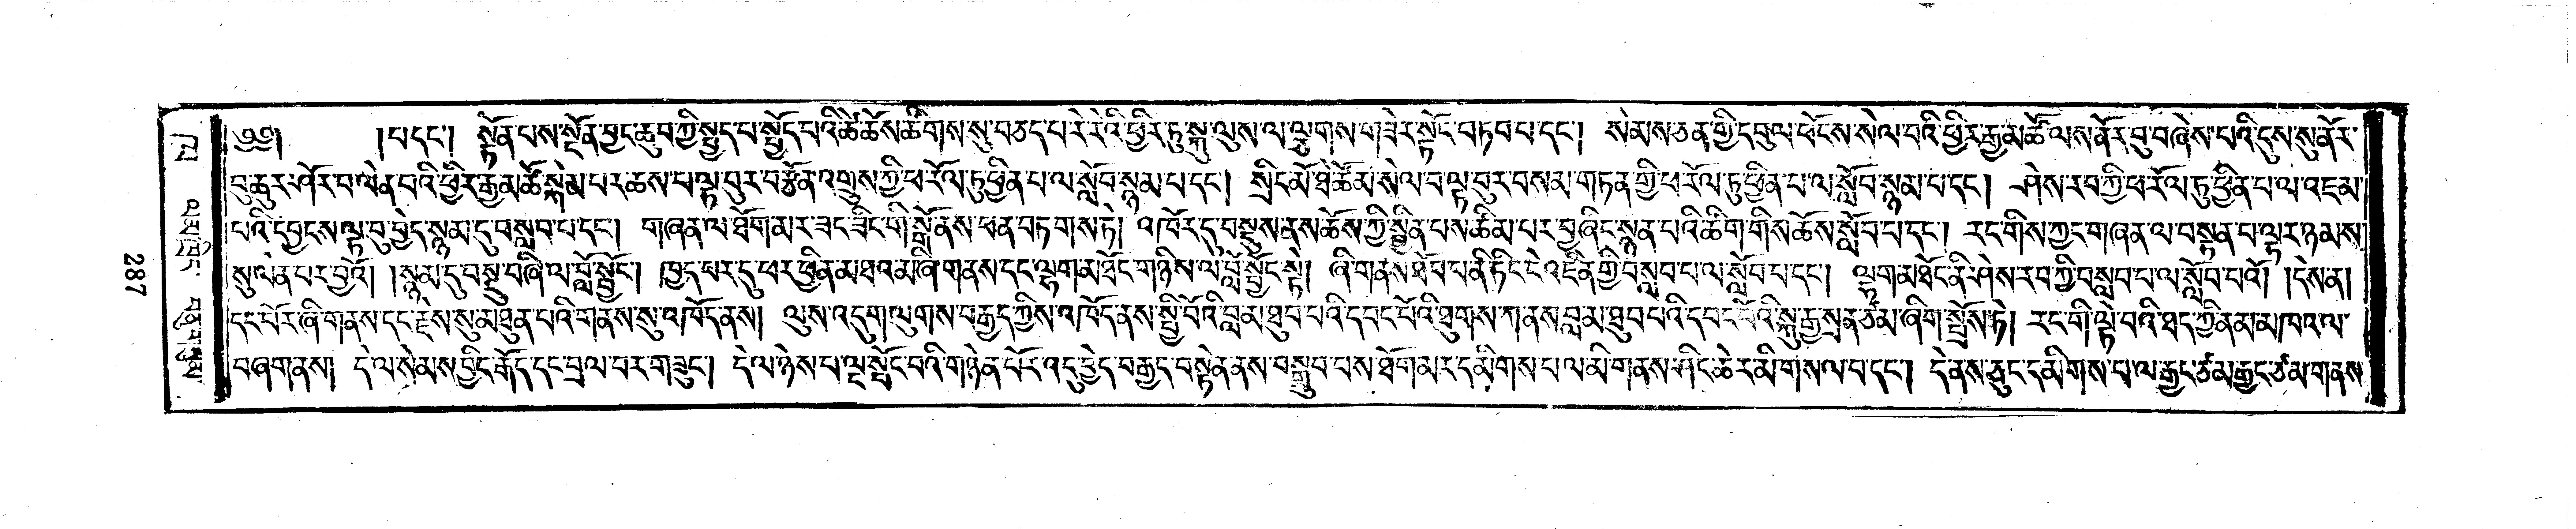༄༅། །པ་དང་། སྟོན་པས་སྔོན་བྱང་ཆུབ་ཀྱི་སྤྱད་པ་སྤྱོད་པའི་ཚེ་ཆོས་ཚིགས་སུ་བཅད་པ་རེ་རེའི་ཕྱིར་ཏུ་སྐུ་ལུས་ལ་ལྕགས་གཟེར་སྟོང་བཏབ་པ་དང་། སེམས་ཅན་གྱི་དབུལ་ཕོངས་སེལ་བའི་ཕྱིར་རྒྱ་མཚོ་ལས་ནོར་བུ་བཞེས་པའི་དུས་སུ་ནོར་
བུ་ཆུར་ཤོར་བ་ལེན་པའི་ཕྱིར་རྒྱ་མཚོ་སྐེམ་པར་ཆས་པ་ལྟ་བུར་བརྩོན་འགྲུས་ཀྱི་ཕ་རོལ་ཏུ་ཕྱིན་པ་ལ་སློབ་སྙམ་པ་དང་། སྲིང་མོ་ཐེ་ཚོམ་སེལ་བ་ལྟ་བུར་བསམ་གཏན་གྱི་ཕ་རོལ་ཏུ་ཕྱིན་པ་ལ་སློབ་སྙམ་པ་དང་། ཤེས་རབ་ཀྱི་ཕ་རོལ་ཏུ་ཕྱིན་པ་ལ་འཇམ་
པའི་དབྱངས་ལྟ་བུ་བྱེད་སྙམ་དུ་བསླབ་པ་དང་། གཞན་ལ་ཐོག་མར་ཟང་ཟིང་གི་སྒོ་ནས་ཕན་བཏགས་ཏེ། འཁོར་དུ་བསྡུས་ནས་ཆོས་ཀྱི་སྦྱིན་པས་ཚིམ་པར་བྱ་ཞིང་སྙན་པའི་ཚིག་གིས་ཆོས་སློབ་པ་དང་། རང་གིས་ཀྱང་གཞན་ལ་བསྟན་པ་ལྟར་ཉམས་
སུ་ལེན་པར་བྱའོ། །སྙམ་དུ་བསྡུ་བཞི་ལ་བློ་སྦྱོང་། ཁྱད་པར་དུ་ཕར་ཕྱིན་མཐའ་མ་ཞི་གནས་དང་ལྷག་མཐོང་གཉིས་ལ་བློ་སྦྱོང་སྟེ། ཞི་གནས་ཐོབ་པ་ནི་ཏིང་ངེ་འཛིན་གྱི་བསླབ་པ་ལ་སློབ་པ་དང་། ལྷག་མཐོང་ནི་ཤེས་རབ་ཀྱི་བསླབ་པ་ལ་སློབ་པའོ། །དེས་ན།
དང་པོར་ཞི་གནས་དང་རྗེས་སུ་མཐུན་པའི་གནས་སུ་འཁོད་ནས། ལུས་འདུག་ལུགས་བརྒྱད་ཀྱིས་འཁོད་ནས་སྤྱི་བོའི་བླ་མ་ཐུབ་པའི་དབང་པོའི་ཐུགས་ཀ་ནས་བླ་མ་ཐུབ་པའི་དབང་པོའི་སྐུ་རྒྱ་སྲན་ཙམ་ཞིག་སྤྲོས་ཏེ། རང་གི་ལྟེ་བའི་ཐད་ཀྱི་ནམ་མཁའ་ལ་
བཞག་ནས། དེ་ལ་སེམས་བྱིང་རྒོད་དང་བྲལ་བར་གཟུང་། དེ་ལ་ཉེས་པ་ལྔ་སྤོང་བའི་གཉེན་པོར་འདུ་བྱེད་བརྒྱད་བསྟེན་ནས་བསྒྲུབ་པས་ཐོག་མར་དམིགས་པ་ལ་མི་གནས་ཤིང་ཆེར་མི་གསལ་བ་དང་། དེ་ནས་ཅུང་དམིགས་པ་ལ་རྒྱང་ཙམ་རྒྱང་ཙམ་གནས་